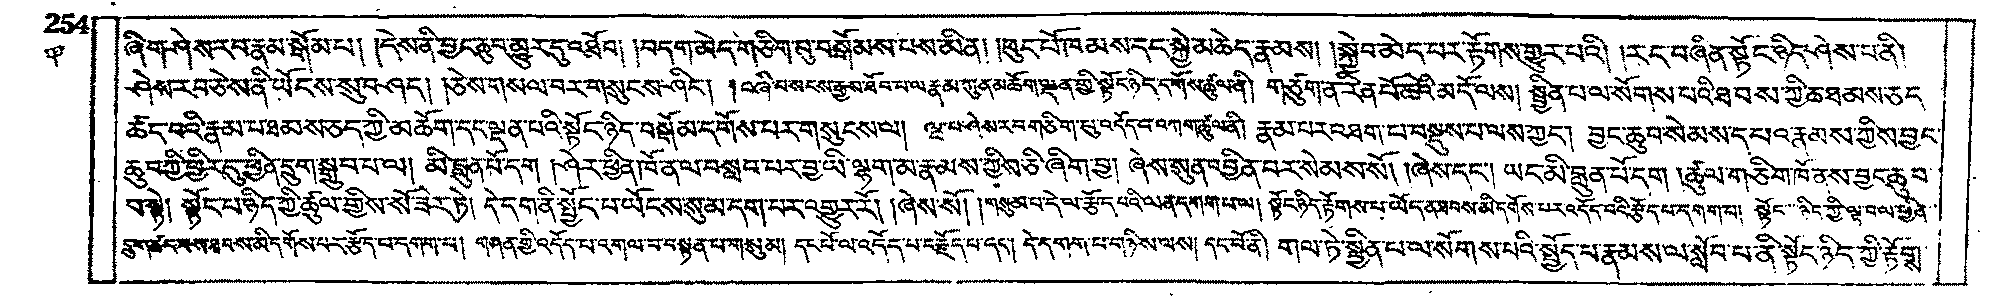ཞིག་ཤེས་རབ་རྣམ་སྒོམ་པ། །དེས་ནི་བྱང་ཆུབ་མྱུར་དུ་འཐོབ། །བདག་མེད་གཅིག་པུ་བསྒོམས་པས་མིན། །ཕུང་པོ་ཁམས་དང་སྐྱེ་མཆེད་རྣམས། །སྐྱེ་བ་མེད་པར་རྟོགས་གྱུར་པའོ། །རང་བཞིན་སྟོང་ཉིད་ཤེས་པ་ནི།
ཤེས་རབ་ཅེས་ནི་ཡོངས་སུ་བཤད། །ཅེས་གསལ་བར་གསུངས་ཤིང་། །བཞི་པ་སངས་རྒྱས་ཐོབ་པ་ལ་རྣམ་ཀུན་མཆོག་ལྡན་གྱི་སྟོང་ཉིད་དགོས་ཚུལ་ནི།  གཙུག་ན་རིན་པོ་ཆེའི་མདོ་ལས། སྦྱིན་པ་ལ་སོགས་པའི་ཐབས་ཀྱི་ཆ་ཐམས་ཅད་
ཚང་བའི་རྣམ་པ་ཐམས་ཅད་ཀྱི་མཆོག་དང་ལྡན་པའི་སྟོང་ཉིད་བསྒོམ་དགོས་པར་གསུངས་ལ། ལྔ་པ་ཤེས་རབ་གཅིག་པུ་འདོད་པ་བཀག་ཚུལ་ནི།  རྣམ་པར་འཐག་པ་བསྡུས་པ་ལས་ཀྱང་། བྱང་ཆུབ་སེམས་དཔའ་རྣམས་ཀྱིས་བྱང་
ཆུབ་ཀྱི་ཕྱིར་དུ་ཕྱིན་དྲུག་སྒྲུབ་པ་ལ། མི་བླུན་པོ་དང་། ཤེར་ཕྱིན་ཁོ་ན་ལ་བསླབ་པར་བྱ་ཡི་ལྷག་མ་རྣམས་ཀྱིས་ཅི་ཞིག་བྱ། ཞེས་སུན་འབྱིན་པར་སེམས་སོ། །ཞེས་དང་། ཡང་མི་བླུན་པོ་དག །ཚུལ་གཅིག་ཁོ་ནས་བྱང་ཆུབ་
པ་སྟེ། སྟོང་པ་ཉིད་ཀྱི་ཚུལ་གྱིས་སོ་ཟེར་ཏེ། དེ་དག་ནི་སྤྱོད་པ་ཡོངས་སུ་མ་དག་པར་འགྱུར་རོ། །ཞེས་སོ། །གསུམ་པ་དེ་ལ་རྩོད་པའི་ལན་དགག་པ་ལ། སྟོང་ཉིད་རྟོགས་པ་ཡོད་ན་ཐབས་མི་དགོས་པར་འདོད་པའི་རྩོད་པ་དགག་པ། སྟོངྙིད་ཀྱི་ལྟ་བ་ལ་ཕྱིན་
དྲུག་ཚང་བས་ཐབས་མི་དགོས་པར་རྩོད་པ་དགག་པ། གཞན་གྱི་འདོད་པ་འགལ་བ་བསྟན་པ་གསུམ། དང་པོ་ལ་འདོད་པ་བརྗོད་པ་དང་། དེ་དགག་པ་གཉིས་ལས། དང་པོ་ནི། གལ་ཏེ་སྦྱིན་པ་ལ་སོགས་པའི་སྤྱོད་པ་རྣམས་ལ་སློབ་པ་ནི་སྟོང་ཉིད་ཀྱི་རྟོགས་